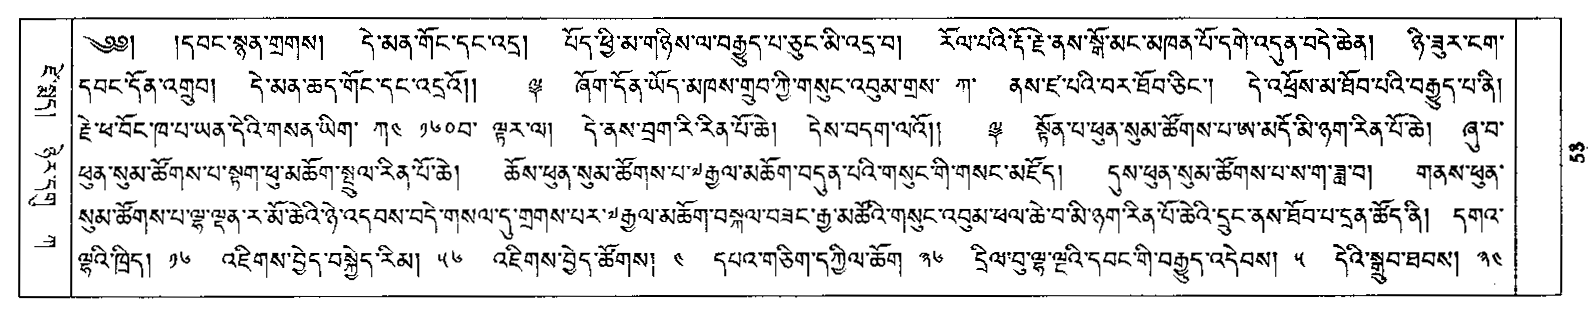༄༅། །དབང་སྙན་གྲགས། དེ་མན་གོང་དང་འདྲ། པོད་ཕྱི་མ་གཉིས་ལ་བརྒྱུད་པ་ཅུང་མི་འདྲ་བ། རོལ་པའི་རྡོ་རྗེ་ནས་སྒོ་མང་མཁན་པོ་དགེ་འདུན་བདེ་ཆེན། ཉི་ཟུར་ངག་
དབང་དོན་འགྲུབ། དེ་མན་ཆད་གོང་དང་འདྲའོ།། ༈ ཞོག་དོན་ཡོད་མཁས་གྲུབ་ཀྱི་གསུང་འབུམ་གྲས་ཀ་ནས་ཛ་པའི་བར་ཐོབ་ཅིང་། དེ་འཕྲོས་མ་ཐོབ་པའི་བརྒྱུད་པ་ནི།
རྗེ་ཕ་བོང་ཁ་པ་ཡན་དེའི་གསན་ཡིག་ཀ ༤ ༡༦༠་བ་ལྟར་ལ། དེ་ནས་བྲག་རི་རིན་པོ་ཆེ། དེས་བདག་ལའོ།། ༈ སྟོན་པ་ཕུན་སུམ་ཚོགས་པ་ཨ་མདོ་མི་ཉག་རིན་པོ་ཆེ། ཞུ་བ་
ཕུན་སུམ་ཚོགས་པ་སྟག་ཕུ་མཆོག་སྤྲུལ་རིན་པོ་ཆེ། ཆོས་ཕུན་སུམ་ཚོགས་པ་༧རྒྱལ་མཆོག་བདུན་པའི་གསུང་གི་གསང་མཛོད། དུས་ཕུན་སུམ་ཚོགས་པ་ས་ག་ཟླ་བ། གནས་ཕུན་
སུམ་ཚོགས་པ་ལྟར་ལྡན་ར་མོ་ཆེའི་ཉེ་འདབས་བདེ་གསལ་དུ་གྲགས་པར་༧རྒྱལ་མཆོག་བསྐལ་བཟང་རྒྱ་མཚོའི་གསུང་འབུམ་ཕལ་ཆེ་བ་མི་ཉག་རིན་པོ་ཆེའི་དྲུང་ནས་ཐོབ་པ་དྲན་ཚོད་ནི། དགའ་
ལྷའི་ཁྲིད། ༡༦་འཇིགས་བྱེད་བསྐྱེད་རིམ། ༥༦་འཇིགས་བྱེད་ཚོགས། ༤་དཔའ་གཅིག་དཀྱིལ་ཆོག ༣༦་དྲིལ་བུ་ལྷ་ལྔའི་དབང་གི་བརྒྱུད་འདེབས། ༥་དེའི་སྒྲུབ་ཐབས། ༣༤